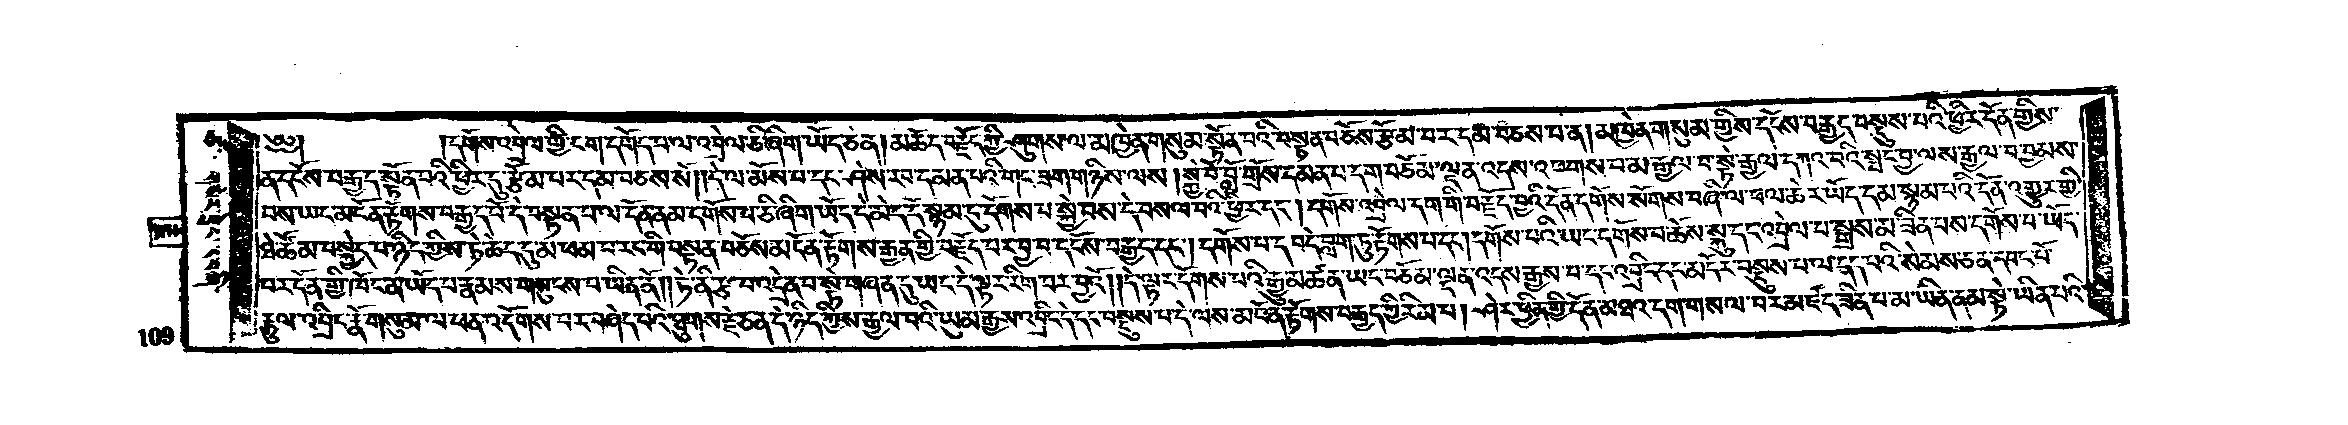༄༅། །དགོས་འབྲེལ་གྱི་ངག་དགོད་པ་ལ་འབྲེལ་ཅི་ཞིག་ཡོད་ཅེ་ན། མཆོད་བརྗོད་ཀྱི་ཤུགས་ལ་མཁྱེན་གསུམ་སྟོན་པའི་བསྟན་བཅོས་རྩོམ་པར་དམ་བཅས་པ་ན། མཁྱེན་གསུམ་གྱིས་དངོས་བརྒྱད་བསྡུས་པའི་ཕྱིར་དོན་གྱིས་
ན་དངོས་བརྒྱད་སྟོན་པའི་ཕྱིར་དུ་རྩོམ་པར་དམ་བཅས་སོ། །དེ་ལ་མོས་པ་དང་ཤེས་རབ་དམན་པའི་གང་ཟག་གཉིས་ལས། སྐྱེ་བོ་བློ་གྲོས་དམན་པ་དག་བཅོམ་ལྡན་འདས་འཕགས་པ་མ་རྒྱལ་བ་སྟེ་རྒྱལ་དཀའ་བའི་སྤང་བྱ་ལས་རྒྱལ་བ་བྱམས་
པས་ཡང་མངོན་རྟོགས་བརྒྱད་པོ་དེ་བསྟན་པ་ལ་དོན་ནམ་དགོས་པ་ཅི་ཞིག་ཡོད་དེ་མེད་དོ་སྙམ་དུ་དོགས་པ་སྐྱེ་བས་དེ་བསལ་བའི་ཕྱིར་དང་། དགོས་འབྲེལ་དག་གི་བརྗོད་བྱའི་དོན་དགོས་སོགས་བཞི་ལ་ཕལ་ཆེར་ཡོད་དམ་སྙམ་པའི་དོན་འགྱུར་གྱི་
ཐེ་ཚོམ་བསྐྱེད་པ་ཉིད་ཀྱིས་ཏེ་ཆེད་དུ་མ་ཕམ་པ་རང་གི་བསྟན་བཅོས་མངོན་རྟོགས་རྒྱན་གྱི་བརྗོད་པར་བྱ་བ་དངོས་བརྒྱད་དང་། དགོས་པ་དེ་བདེ་བླག་ཏུ་རྟོགས་པ་དང་། དགོས་པའི་ཡང་དགོས་པ་ཆོས་སྐུ་དང་འབྲེལ་པ་སྒྲས་མ་ཟིན་པས་དགོས་པ་ཡོད་
པར་དོན་གྱི་ཁོང་ན་ཡོད་པ་རྣམས་གསུངས་པ་ཡིན་ནོ། །ཏེ་ནི་རྩ་བ་འདྲེན་པ་སྟེ་གཞན་དུ་ཡང་དེ་ལྟར་རིག་པར་བྱའོ། །དེ་ལྟར་དོགས་པའི་རྒྱུ་མཚན་ཡང་བཅོམ་ལྡན་འདས་རྒྱས་པ་དང་འབྲིང་དང་མདོར་བསྡུས་པ་ལ་དད་པའི་སེམས་ཅན་དབང་པོ་
རྟུལ་འབྲིང་རྣོ་གསུམ་ལ་ཕན་འདོགས་པར་བཞེད་པའི་ཐུགས་རྗེ་ཅན་དེ་ཉིད་ཀྱིས་རྒྱལ་བའི་ཡུམ་རྒྱས་འབྲིང་དེ་དང་བསྡུས་པ་དེ་ལས་མངོན་རྟོགས་བརྒྱད་ཀྱི་རིམ་པ། ཤེར་ཕྱིན་གྱི་དོན་མཐའ་དག་གསལ་བར་མཛད་ཟིན་པ་མ་ཡིན་ནམ་སྟེ་ཡིན་པའི་